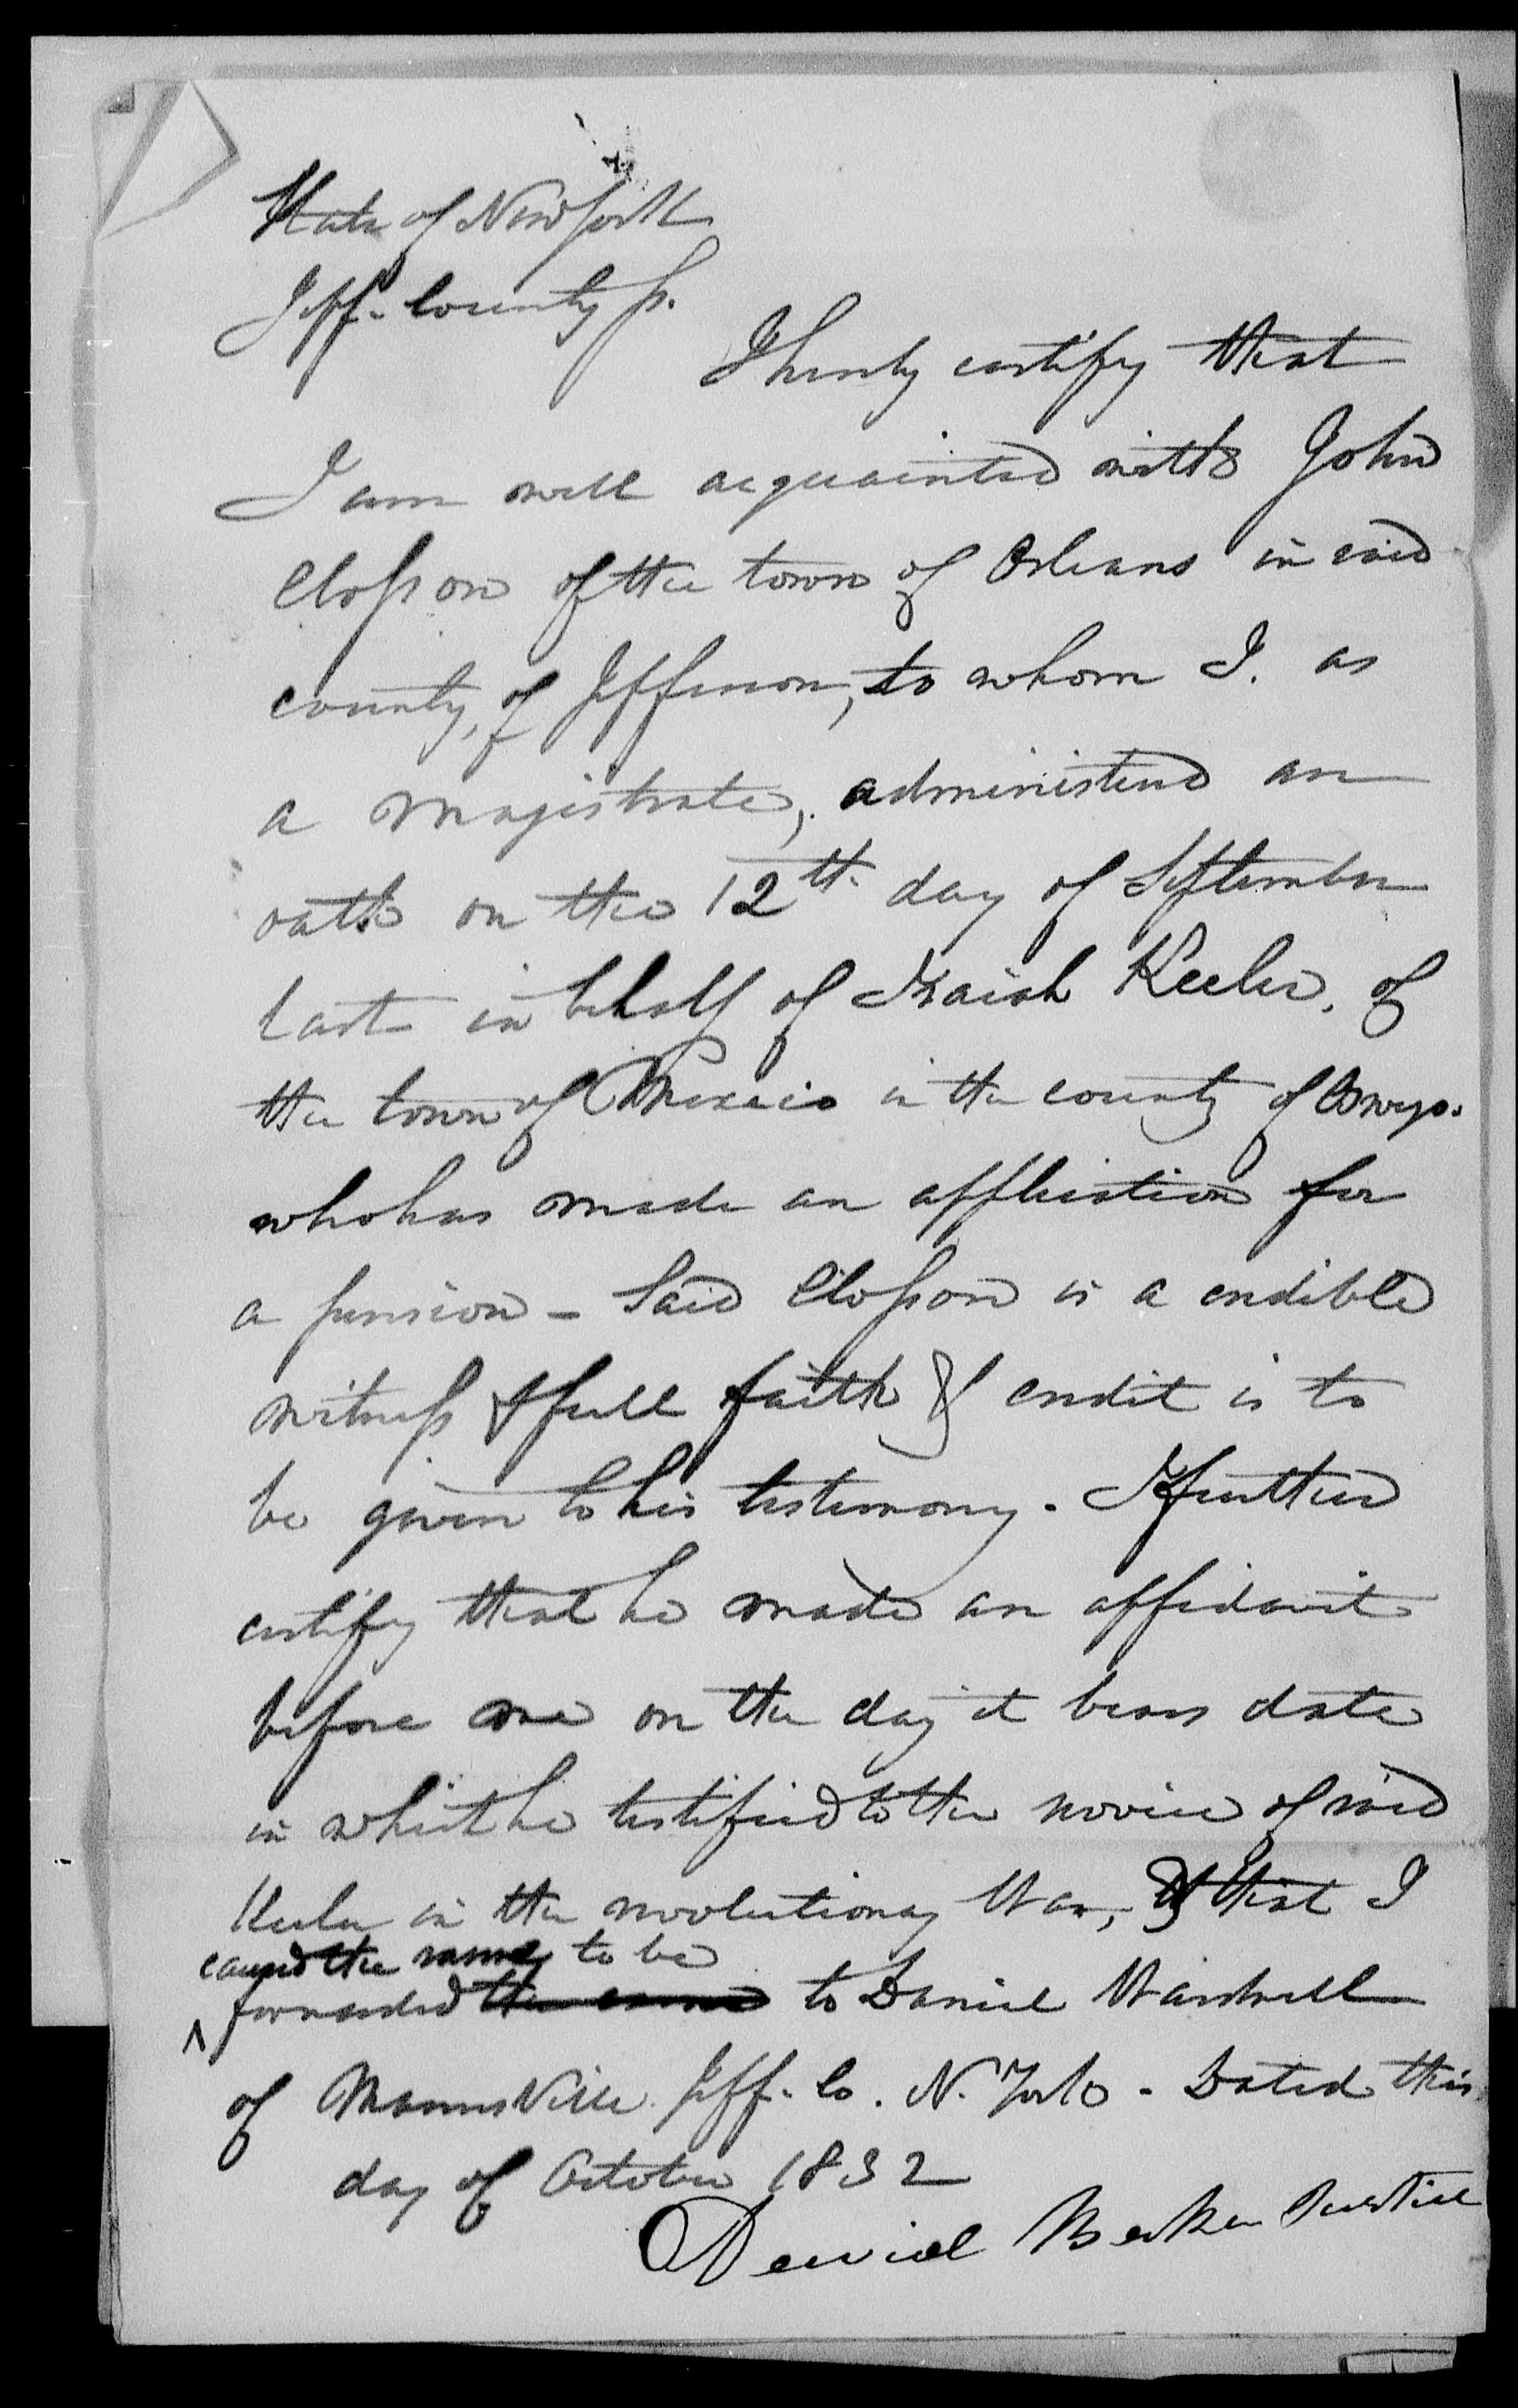State of New York
Jeff. County ss.
I hereby certify that I am well acquainted with John Closson of the town of Orleans in said county of Jefferson, to whom I, as a magistrate, administered an oath on this 12th day of September last in behalf of Isaiah Keeler, of the town of Mexico in the county of Oswego who has made an application for a pension - said Closson is a credible witness & full faith & credit is to be given to his testimony. I further certify that he made an affidavit before me on the day it bears date in which he testified to the service of said Keeler in the revolutionary war, &  that I caused the same to be forwarded to Daniel Marshall of Mannsville Jeff. Co. N. York. Dated this day of October 1832
[signed] Daniel Baker Justice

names: Isaiah Keeler; Daniel Warshell; John Closson; David Baker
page: 3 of 26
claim: survivor's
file: S. 13,625, for Isaiah Keeler, New York